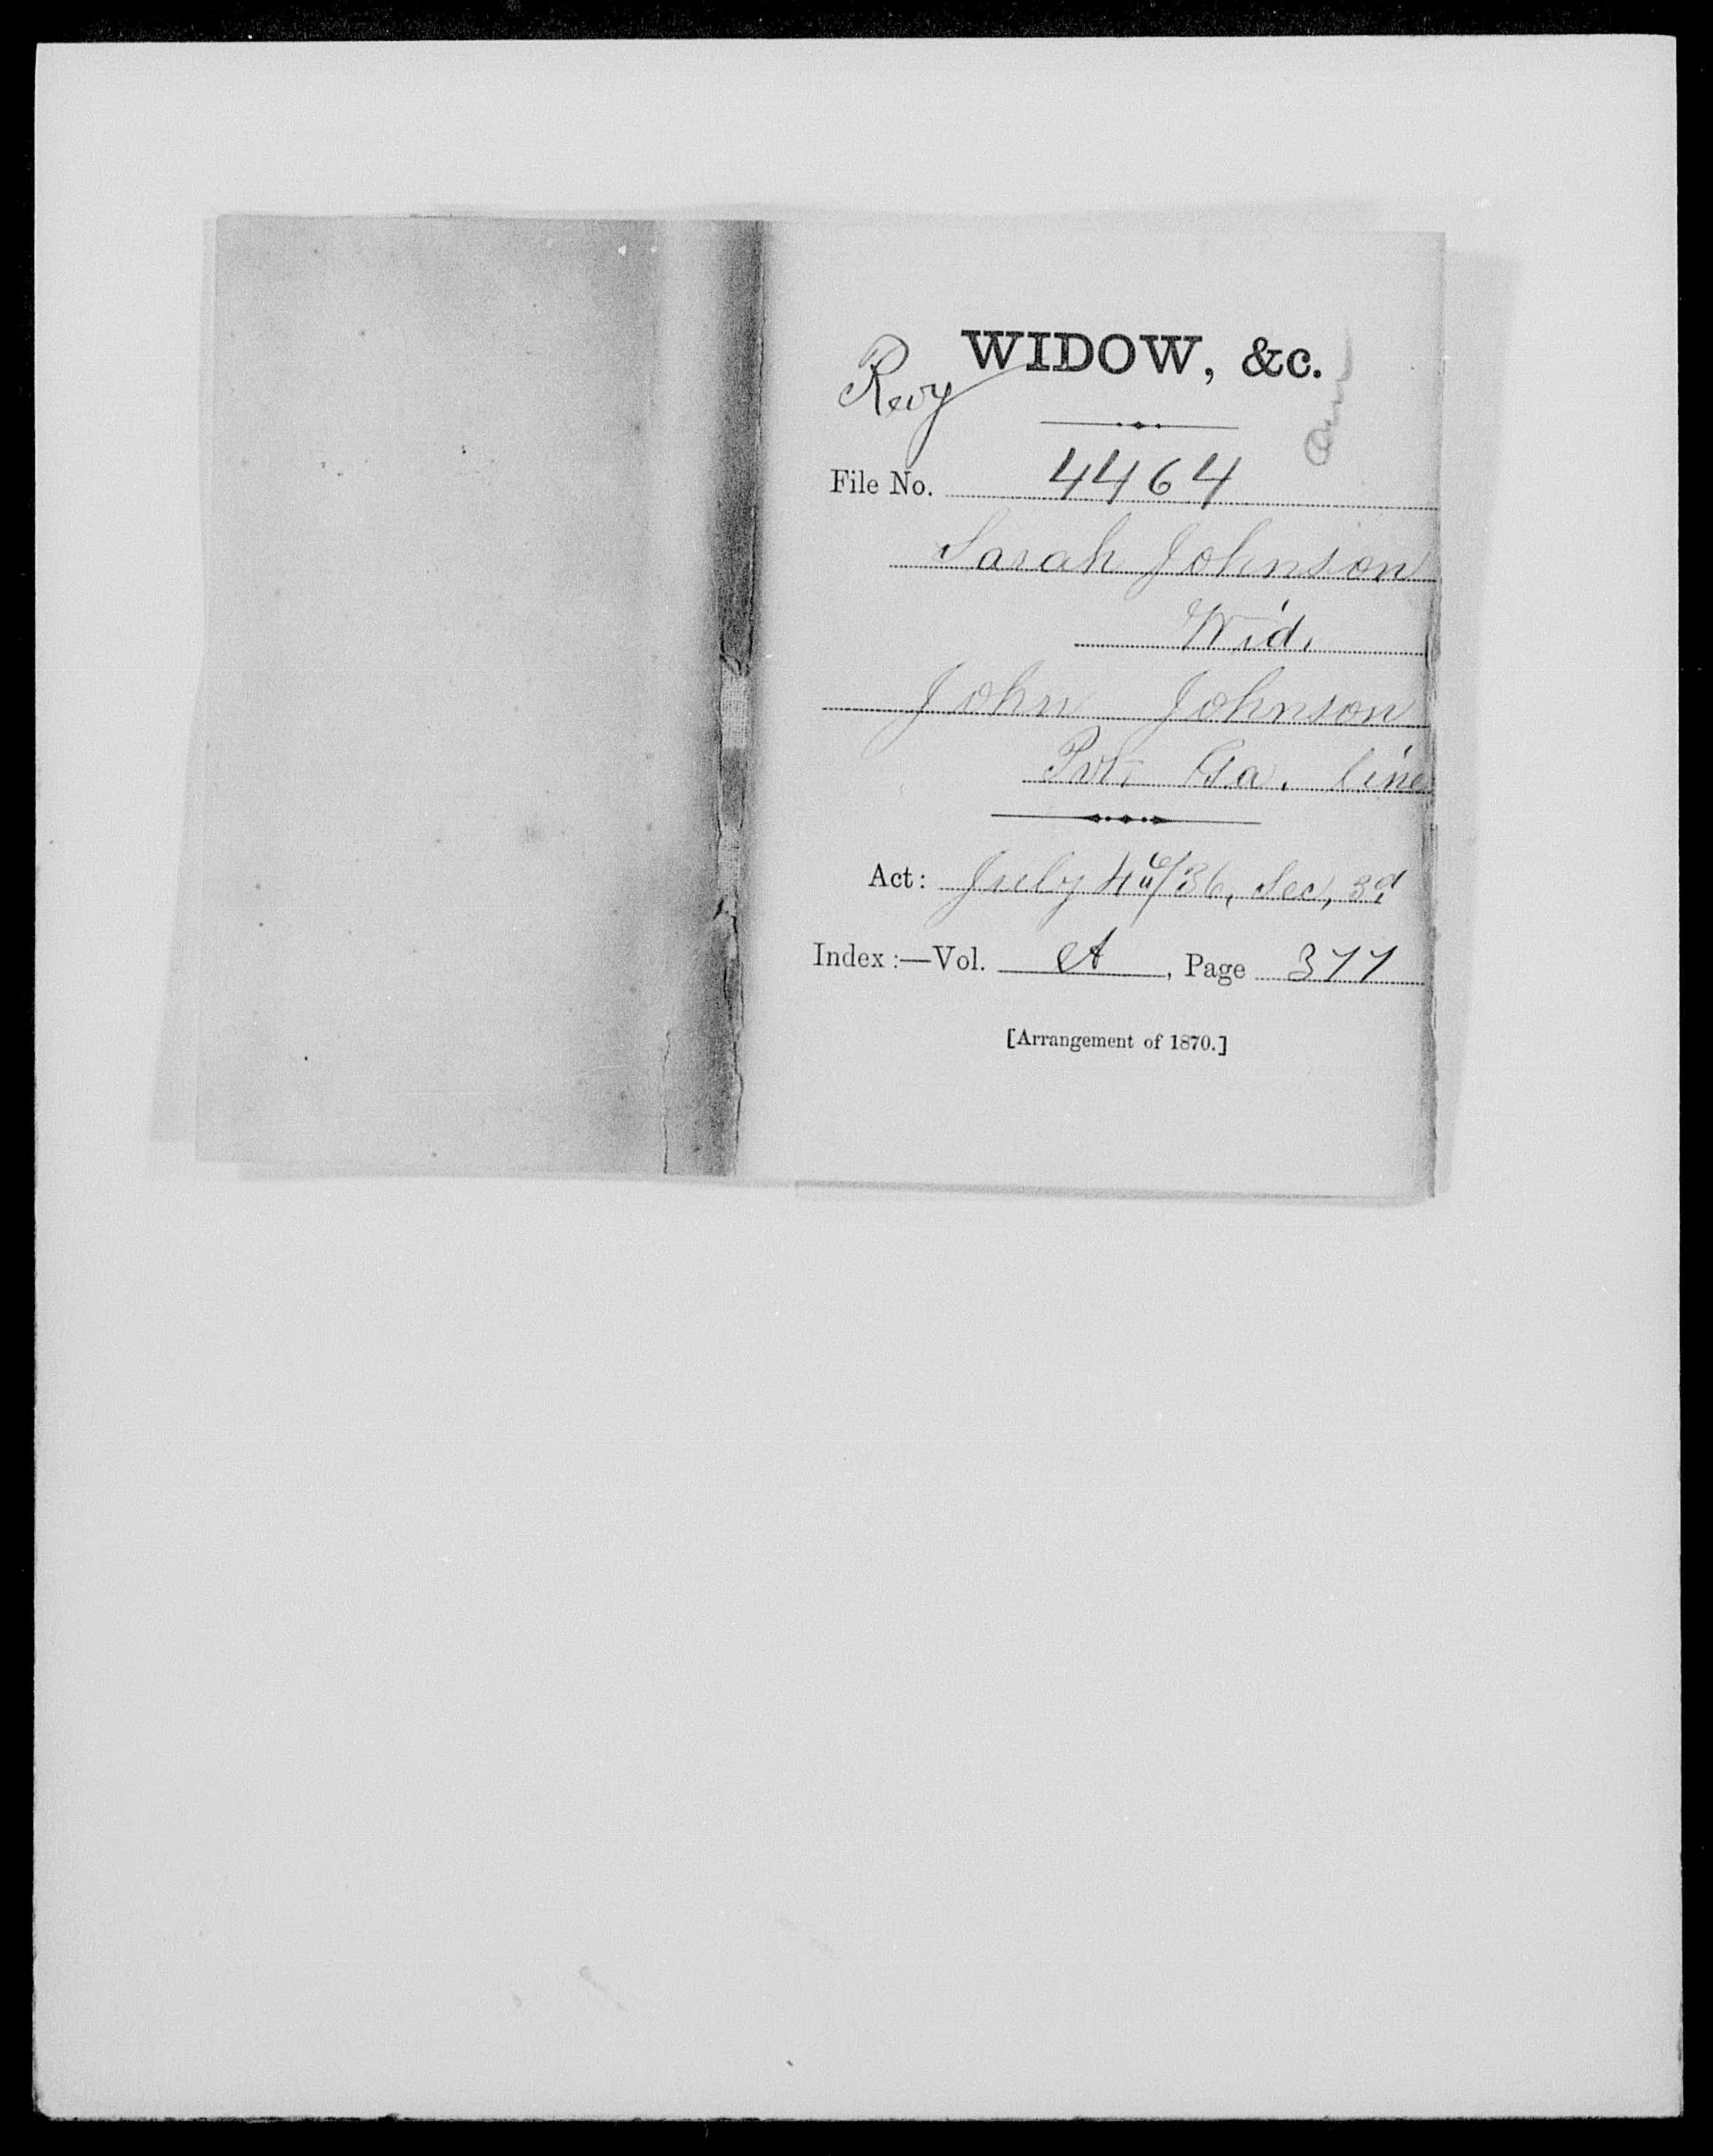Revy WIDOW, &c.
-
File No. 4464

Sarah Johnson ┃
Wid
John Johnson ┃
Pvt Ga. line
Act: July 4/36, Sec. 30
Index: - Vol. A Page 377 ┃
Arrangement of 1870.]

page: 7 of 26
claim: widow's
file: W. 4464, for John H Johnson, Georgia